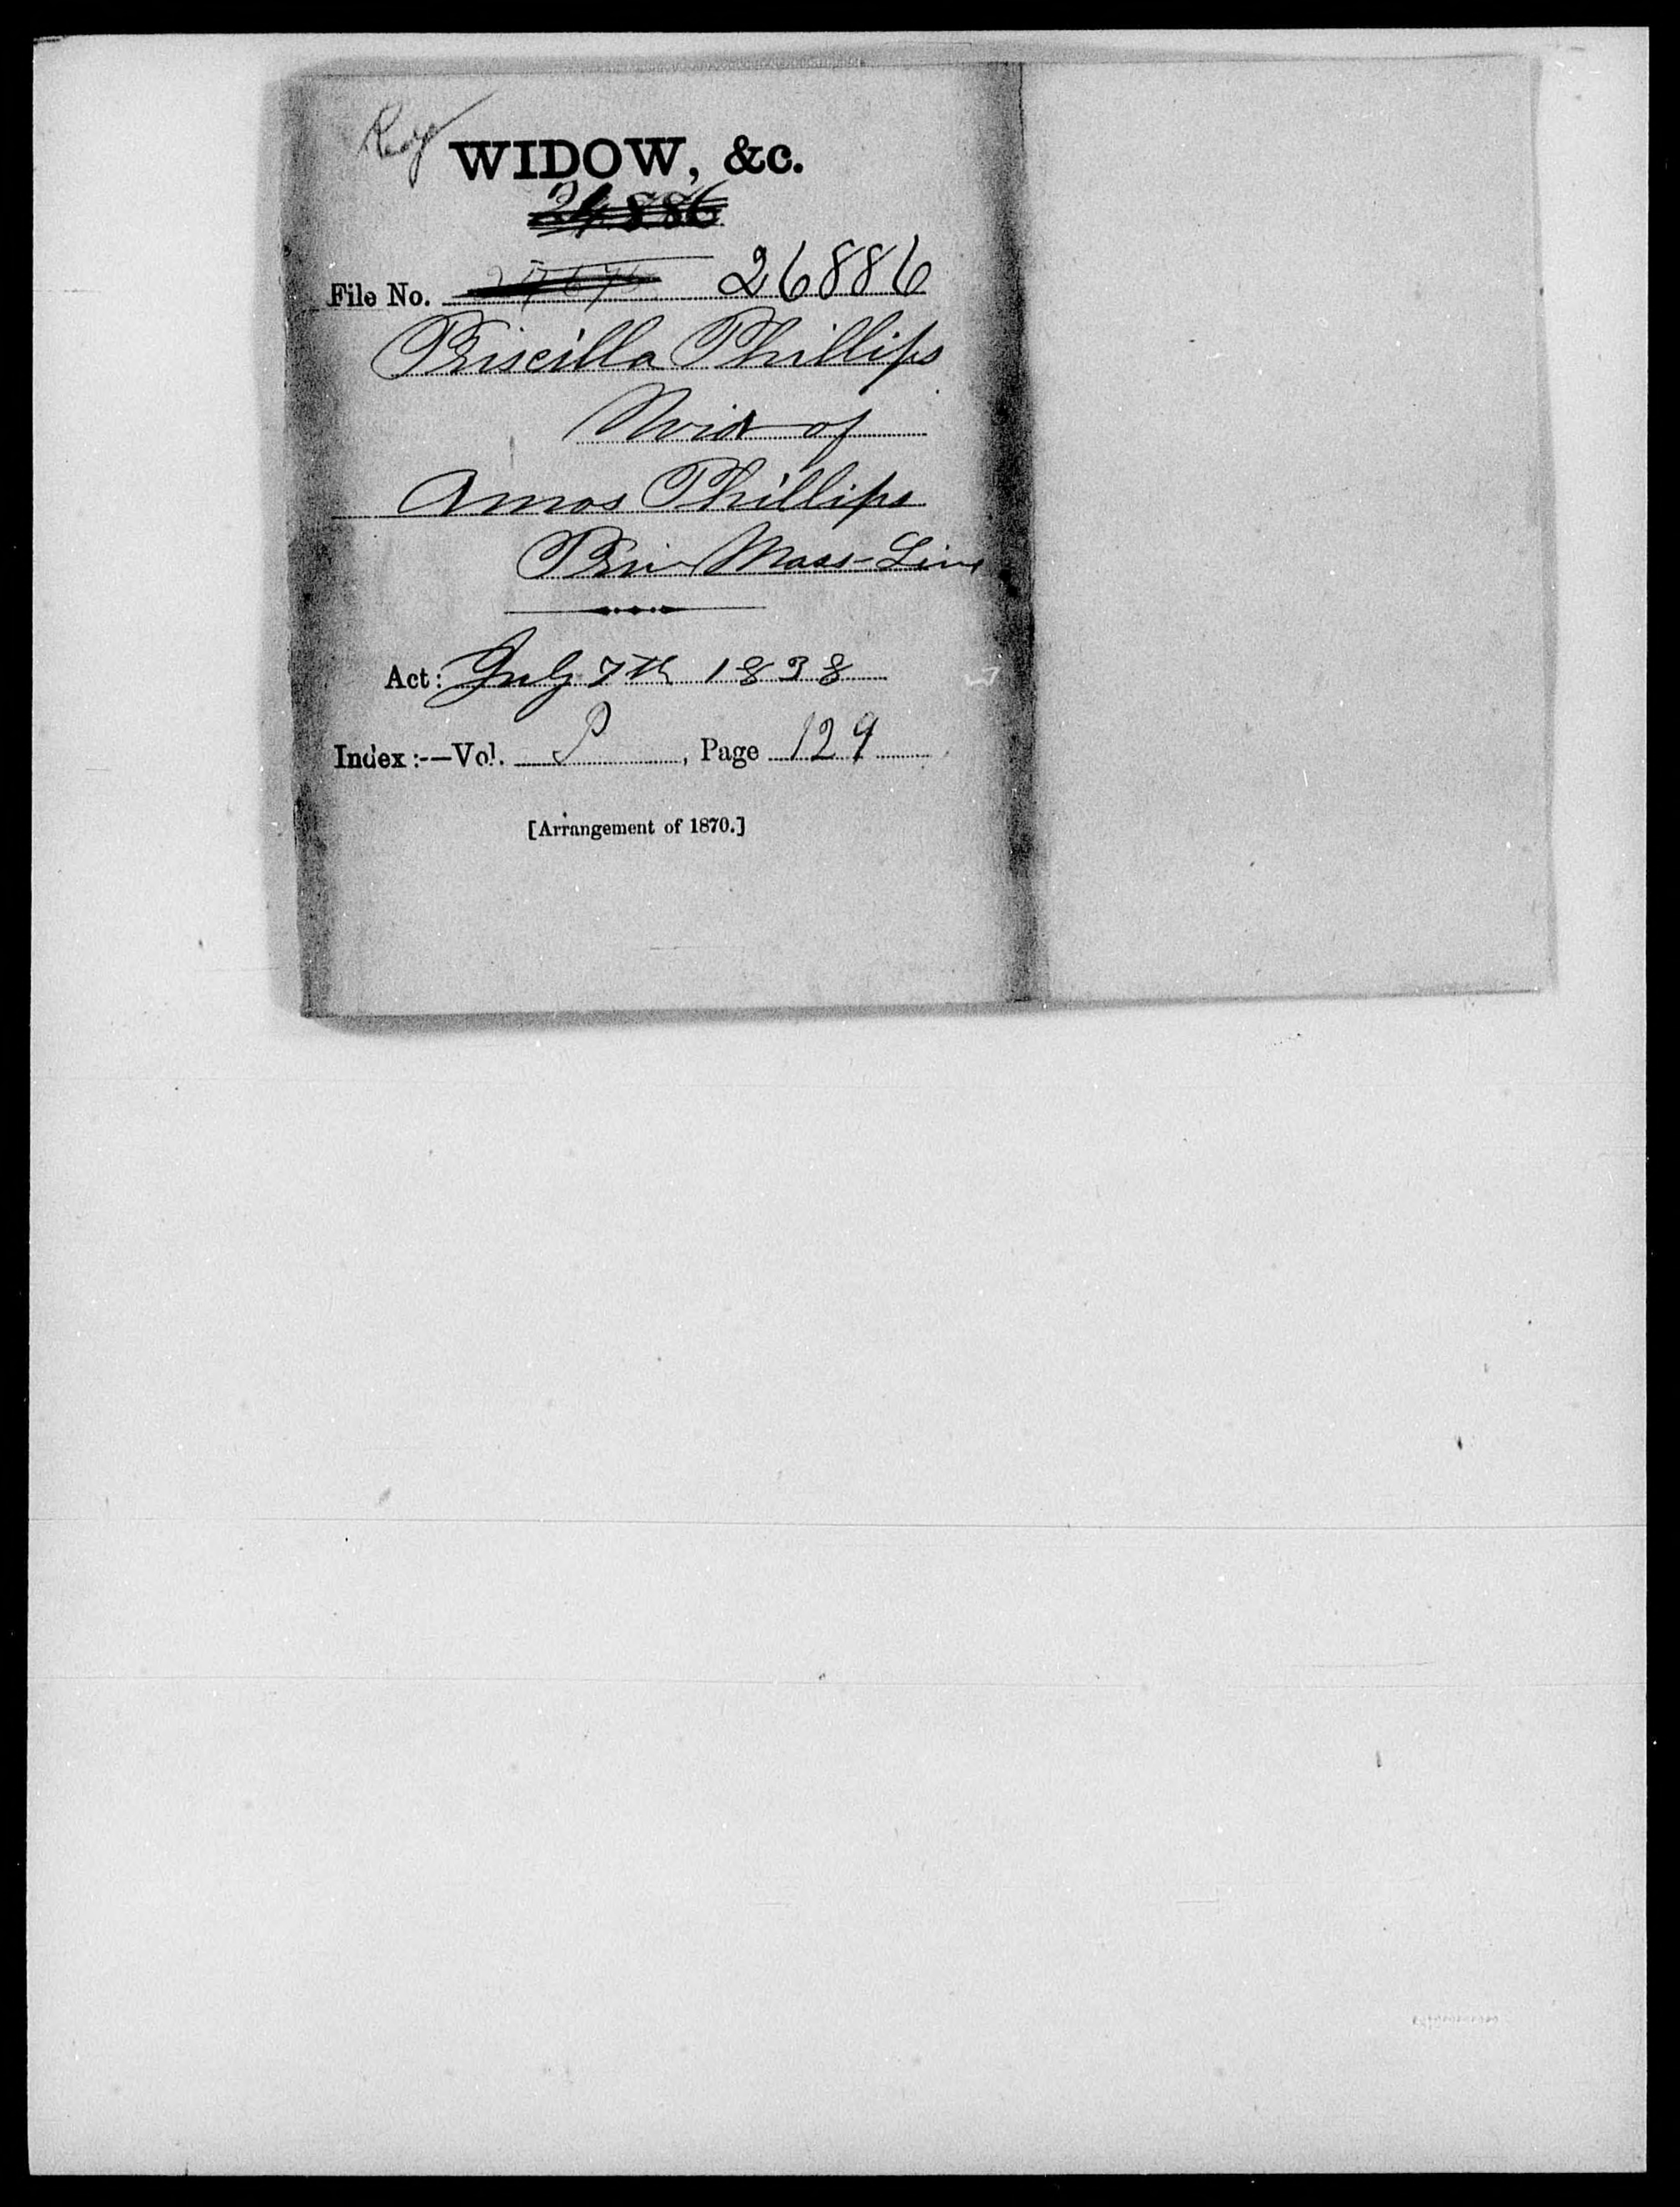WIDOW, &c.
File No. 26886
Priscilla Phillips
Wid of
Amos Phillips
Priv Mass Line
Act: July 7th 1838
Index: -- Vol. P, Page 129
[Arrangement of 1870.]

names: Amos Phillips; Priscilla Phillips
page: 16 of 26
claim: widow's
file: W. 26,886, for Amos Phillips, Massachusetts